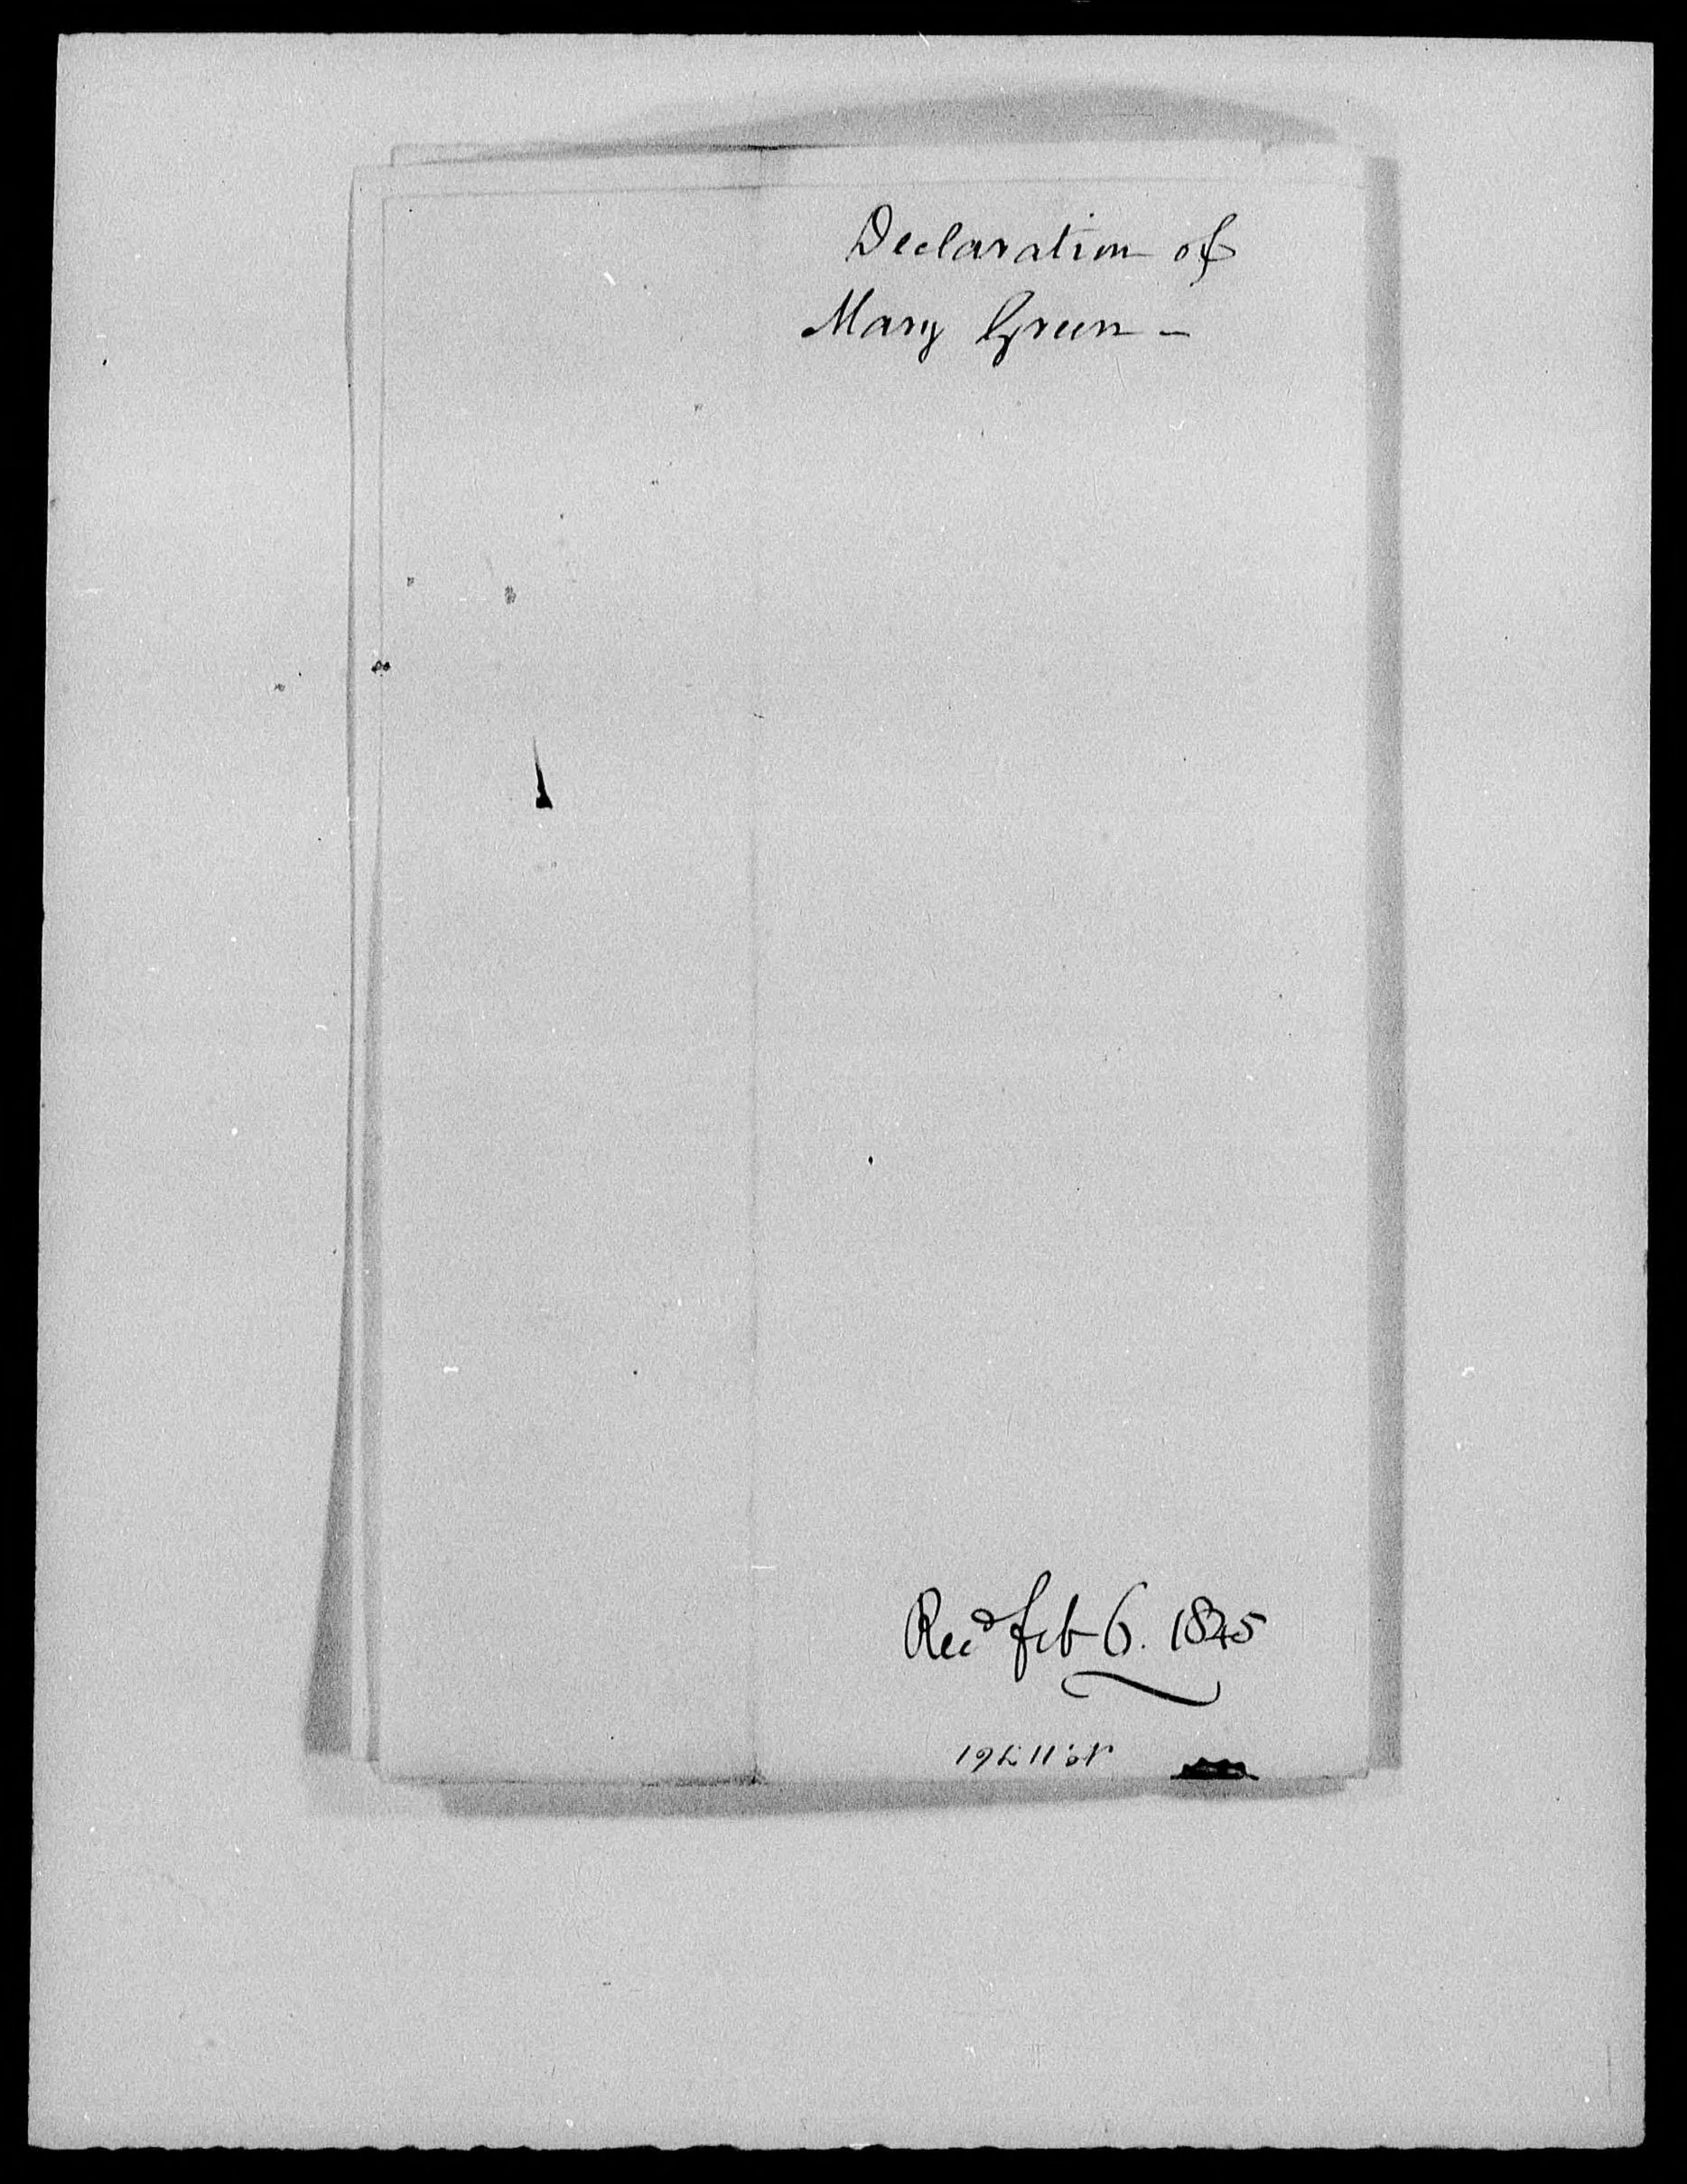[top]
Declaration of
Mary Green -

[bottom]
Rec feb 6. 1845
[flourish]
19 [illegible]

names: Mary Green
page: 3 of 26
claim: widow's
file: W 25651, Robert Cross, Md.